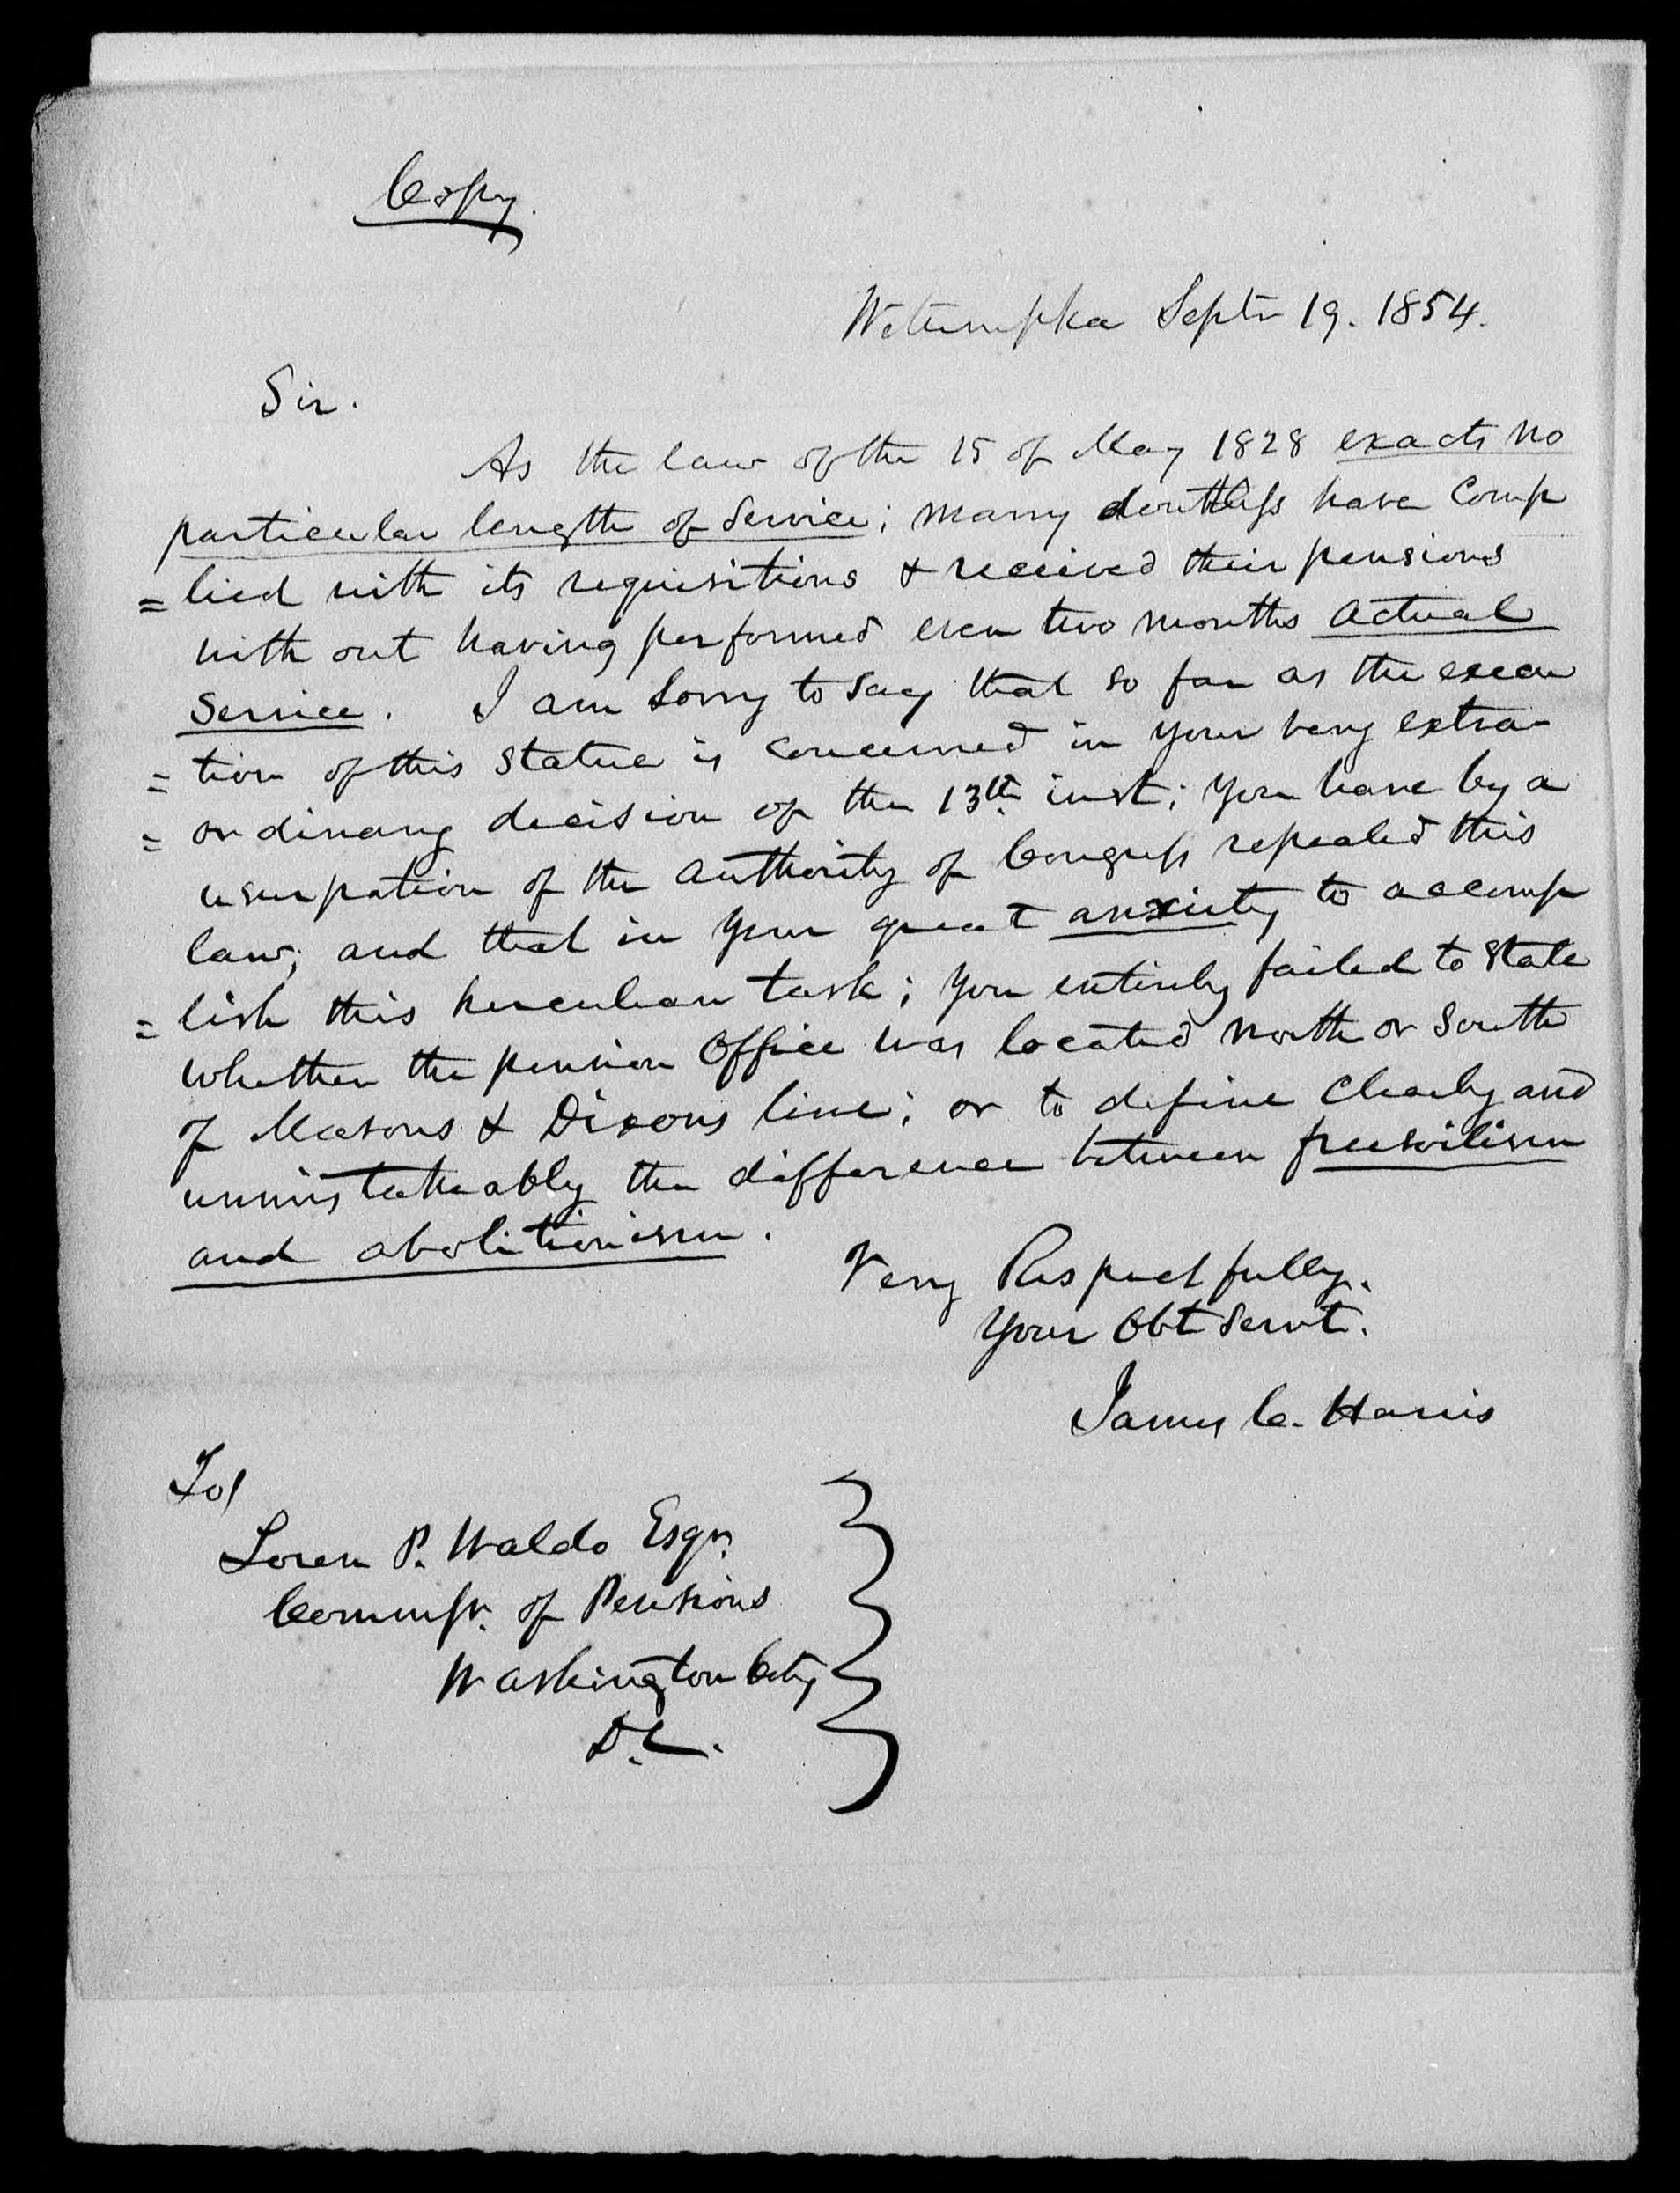Copy
Wetumpka Sept 19 1854

Sir.
As the law of the 15 of May 1828 exacts no particular length of service, many doubtless have complied with its requisitions & received their pensions with out having performed even two months actual service.  I am sorry to say that so far as the execution of this statue is concerned in your very extraordinary decision of the 13th inst., you have by a usurpation of the authority of Congress repealed this law, and that in your great anxiety, to accomplish this herculean task, you entirely failed to state whether the pension Office was located north or south of Masons & Dixons line, or to define clearly and unmistakeably [sic] the difference between freesoilism and abolitionism.
Very Respectfully,
Your Obt Servt
James C. Harris

To,
Loren P. Waldo Esqr.
Commisr of Pensions
Washington City
D.C.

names: James C Harris, Loren P Waldo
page: 64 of 160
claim: rejected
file: R. 4666, James Harris, Va.